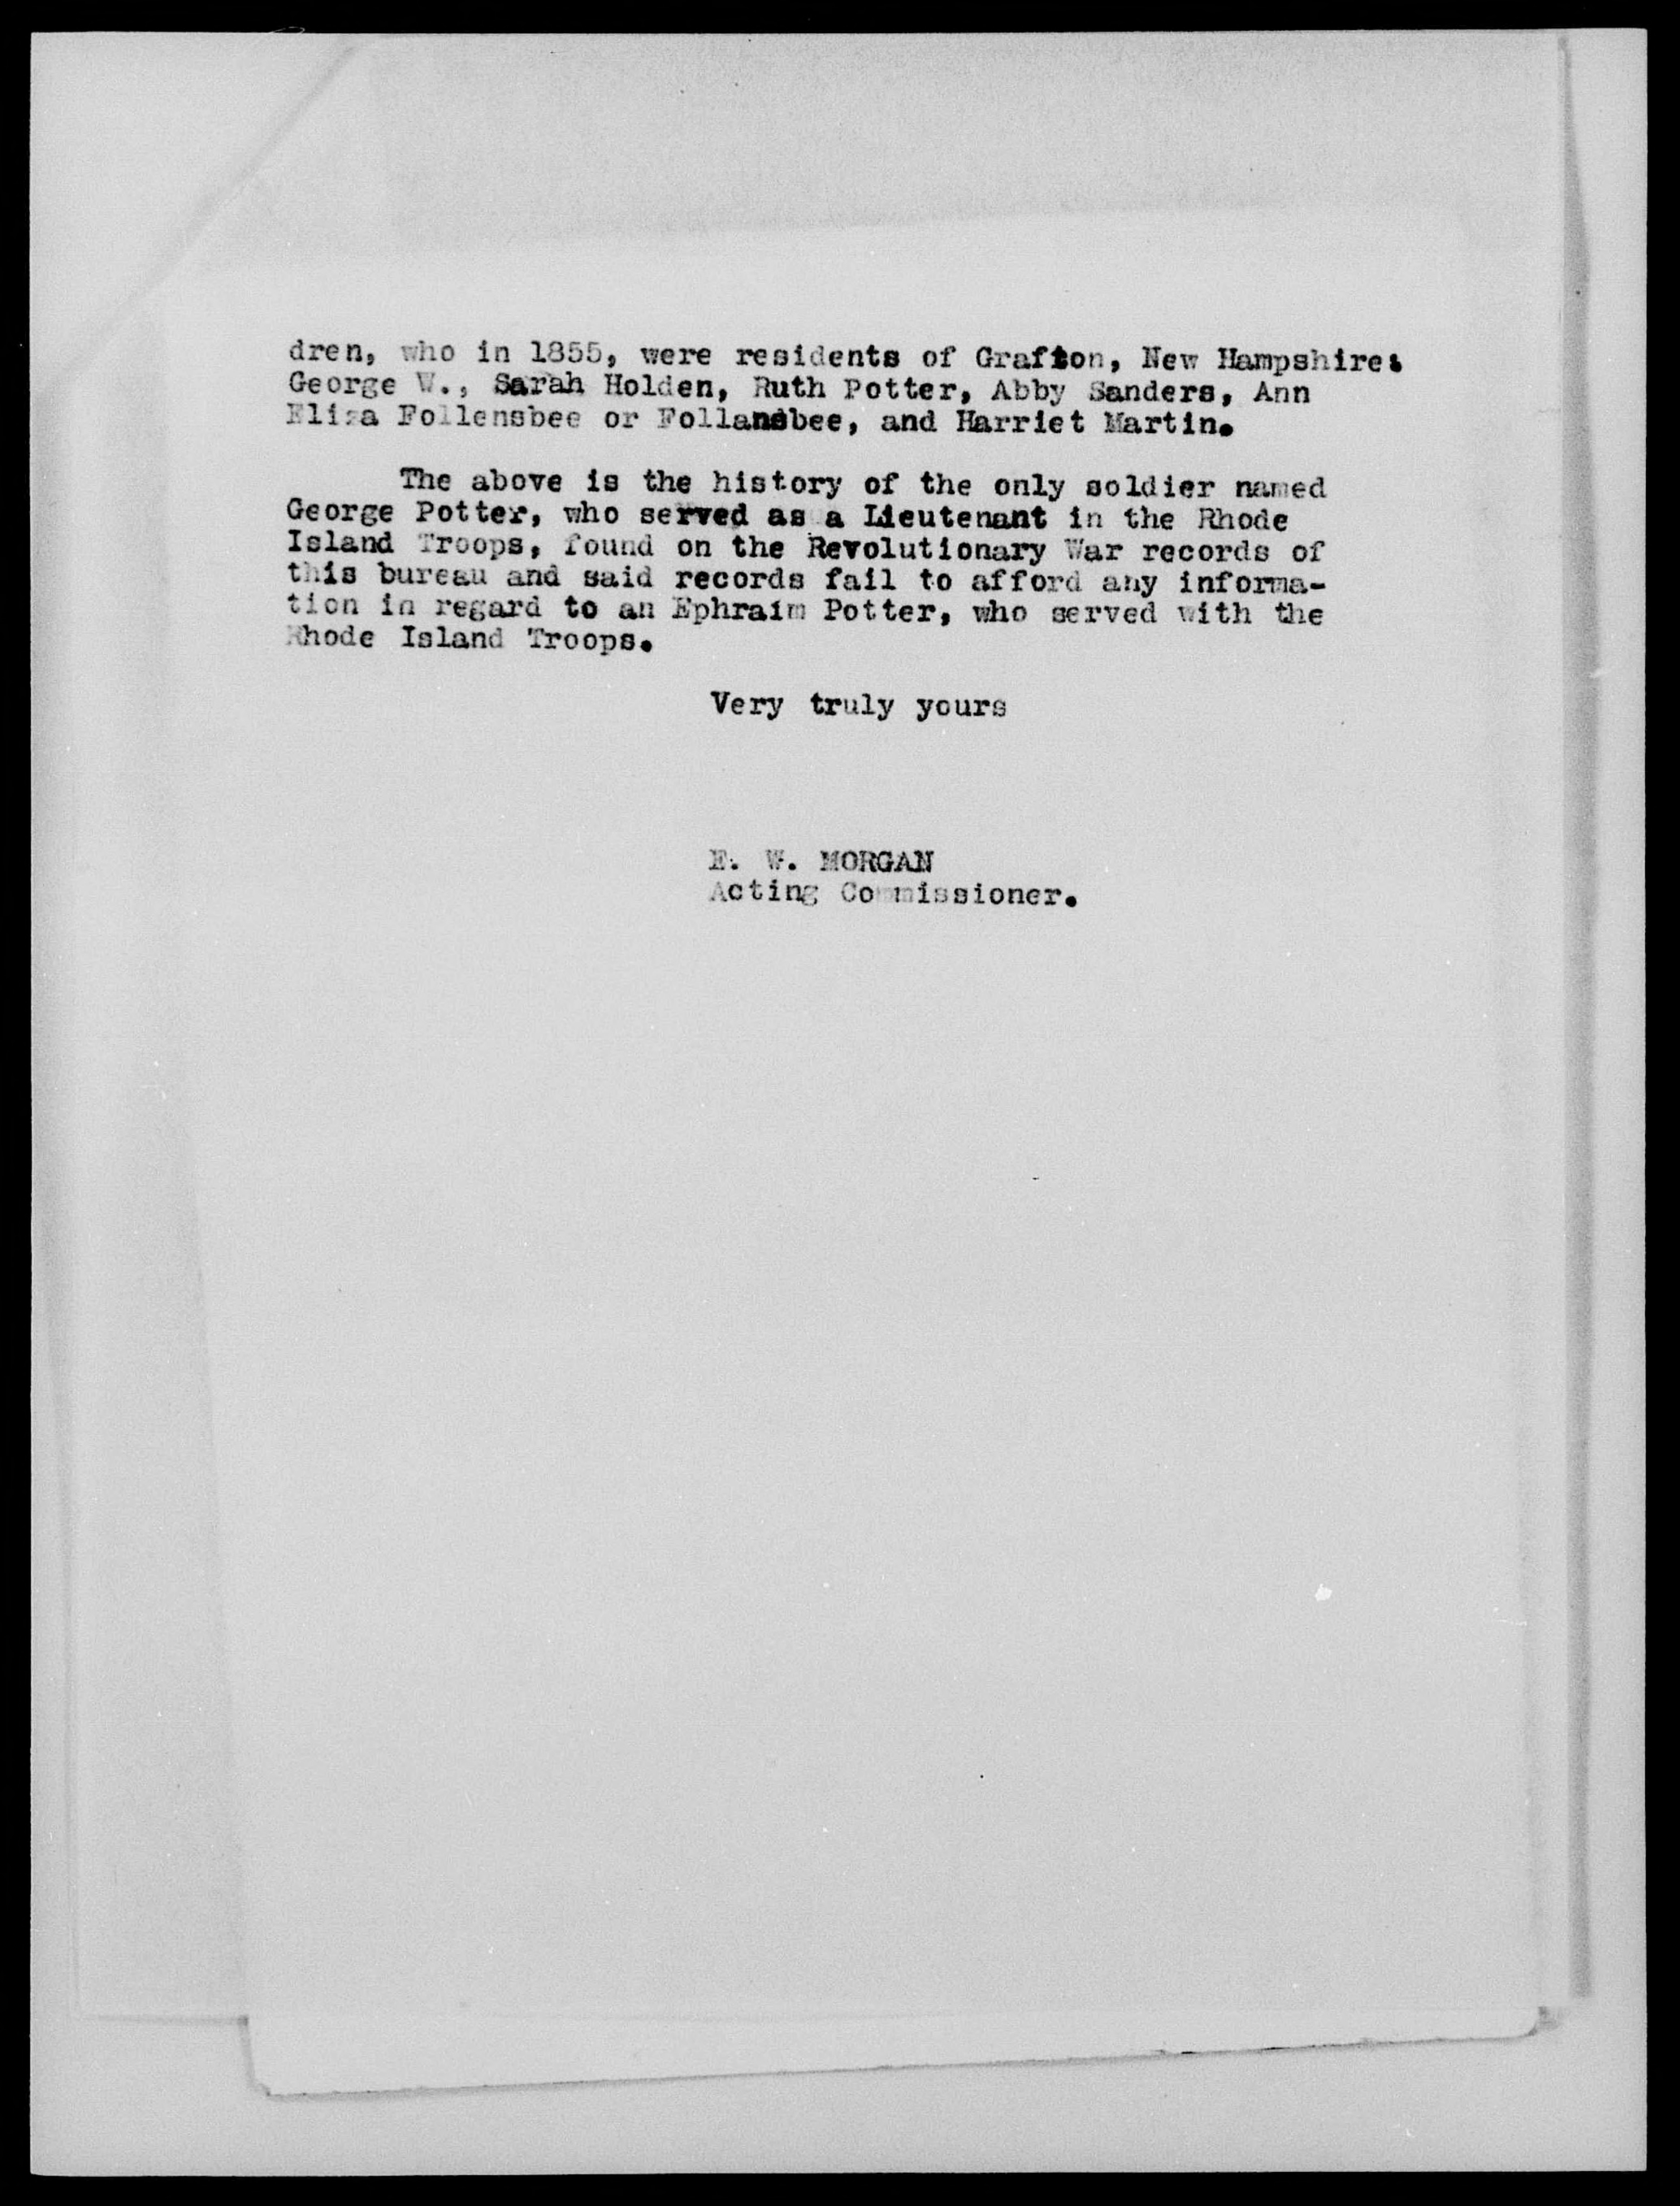dren, who in 1855, were residents of Grafton, New Hampshire: George W, Sarah Holden, Ruth Potter, Abby Sanders, Ann Eliza Follensbee or Follanebee, and Harriet Martin.
  The above is the history of the only soldier named George Potter, who served as a Lieutenant in the Rhode Island Troops, ound on the Revolutionary Wa records of this bureau and said records fail to afford any information in regard to Ephraim Potter, who served with the Rhode Island Troops.

Very truly yours


E. W. MORGAN
Acting Commissioner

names: George Potter; Abby Sanders; Harriet Martin; Ann Eliza Follansbee; Ann Eliza Follensbee; Ruth Potter; George W [BLANK]; Sarah Holden; E W Morgan; Ephraim Potter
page: 12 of 40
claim: widow's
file: W. 16058, for George Potter, Rhode Island